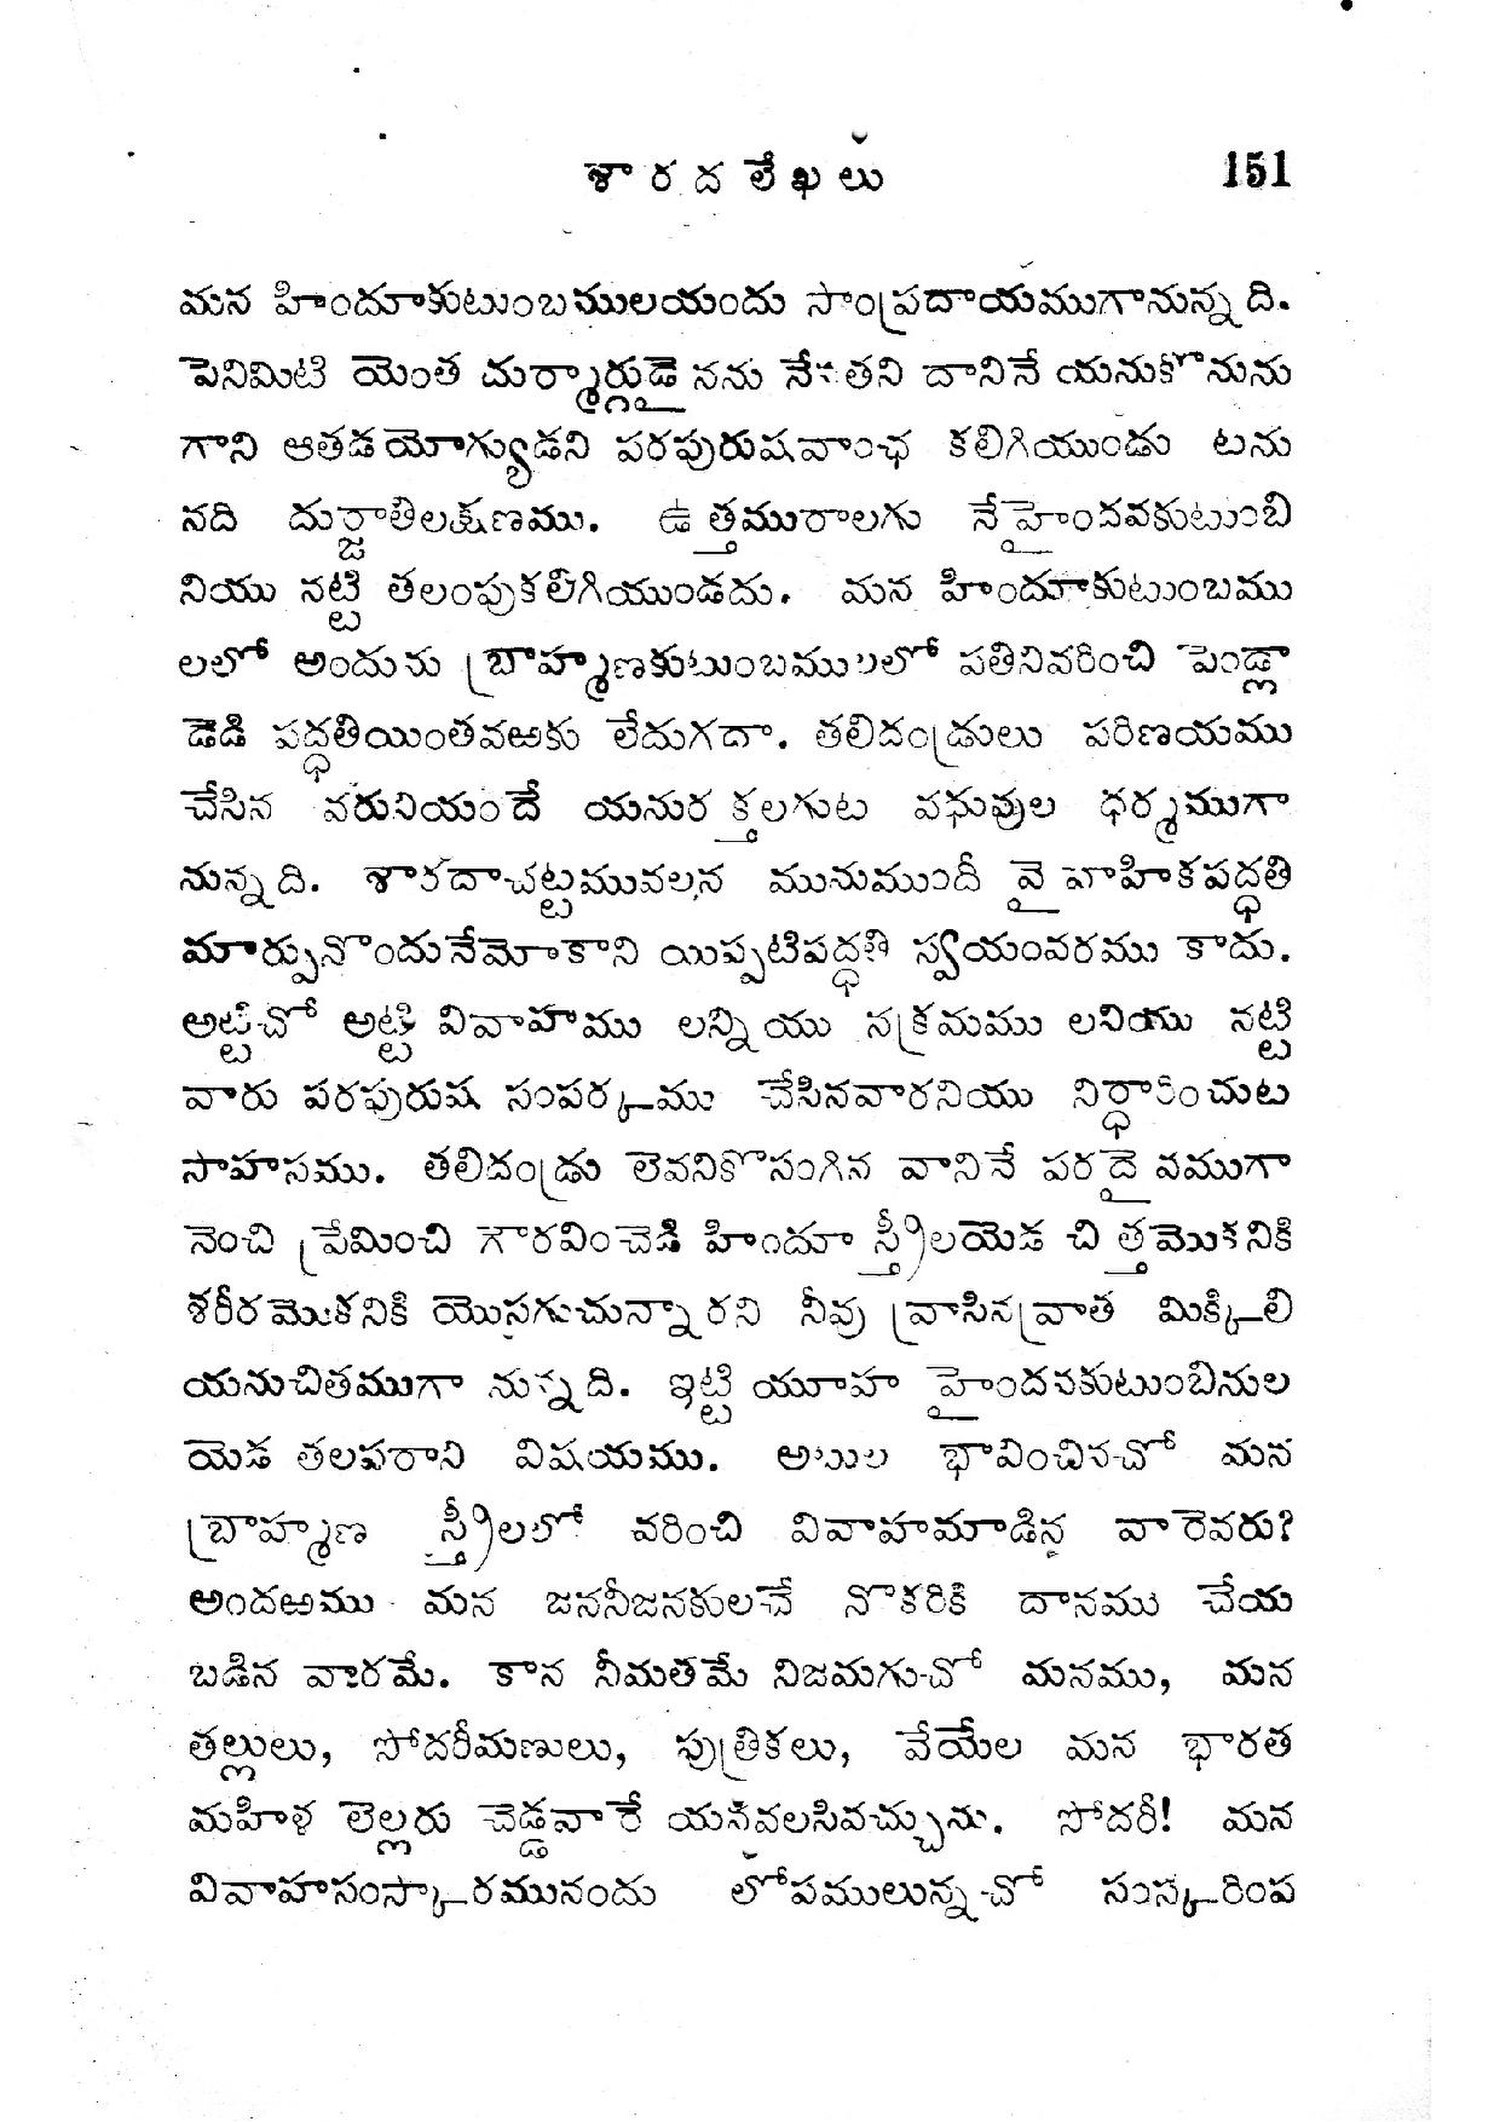మన హిందూకుటుంబములయందు సాంప్రదాయముగానున్నది. పెనిమిటి యెంత దుర్మార్గుడైనను నేనతని దానినే యనుకొనును గాని ఆతడయోగ్యుడని పరపురుషవాంఛ కలిగియుండు టనునది దుర్జాతిలక్షణము. ఉత్తమురాలగు నేహైందవకుటుంబినియు నట్టి తలంపుకలిగియుండదు. మన హిందూకుటుంబములలో అందును బ్రాహ్మణకుటుంబములలో పతినివరించి పెండ్లాడెడి పద్ధతియింతవఱకు లేదుగదా. తలిదండ్రులు పరిణయము చేసిన వరునియందే యనురక్తులగుట వధువుల ధర్మముగా నున్నది. శారదాచట్టమువలన మునుముందీ వైవాహికపద్దతి మార్పునొందునేమోకాని యిప్పటిపద్ధతి స్వయంవరము కాదు. అట్టిచో అట్టి వివాహము లన్నియు సక్రమము లనియు నట్టివారు పరపురుష సంపర్కము చేసినవారనియు నిర్ధారించుట
సాహసము. తలిదండ్రు లెవనికొసంగిన వానినే పరదైవముగా నెంచి ప్రేమించి గౌరవించెడి హిందూస్త్రీలయెడ చిత్తమొకనికి శరీరమొకనికి యొసగుచున్నారని నీవు వ్రాసినవ్రాత మిక్కిలి యనుచితముగా నున్నది. ఇట్టి యూహ హైందవకుటుంబినుల యెడ తలపరాని విషయము. అటుల భావించినచో మన
బ్రాహ్మణ స్త్రీలలో వరించి వివాహమాడిన వారెవరు? అందఱము మన జననీజనకులచే నొకరికి దానము చేయబడిన వారమే. కాన నీమతమే నిజమగుచో మనము, మనతల్లులు, సోదరీమణులు, పుత్రికలు, వేయేల మన భారతమహిళ లెల్లరు చెడ్డవారే యనవలసివచ్చును, సోదరీ! మన వివాహసంస్కారమునందు లోపములున్నచో సంస్కరింప